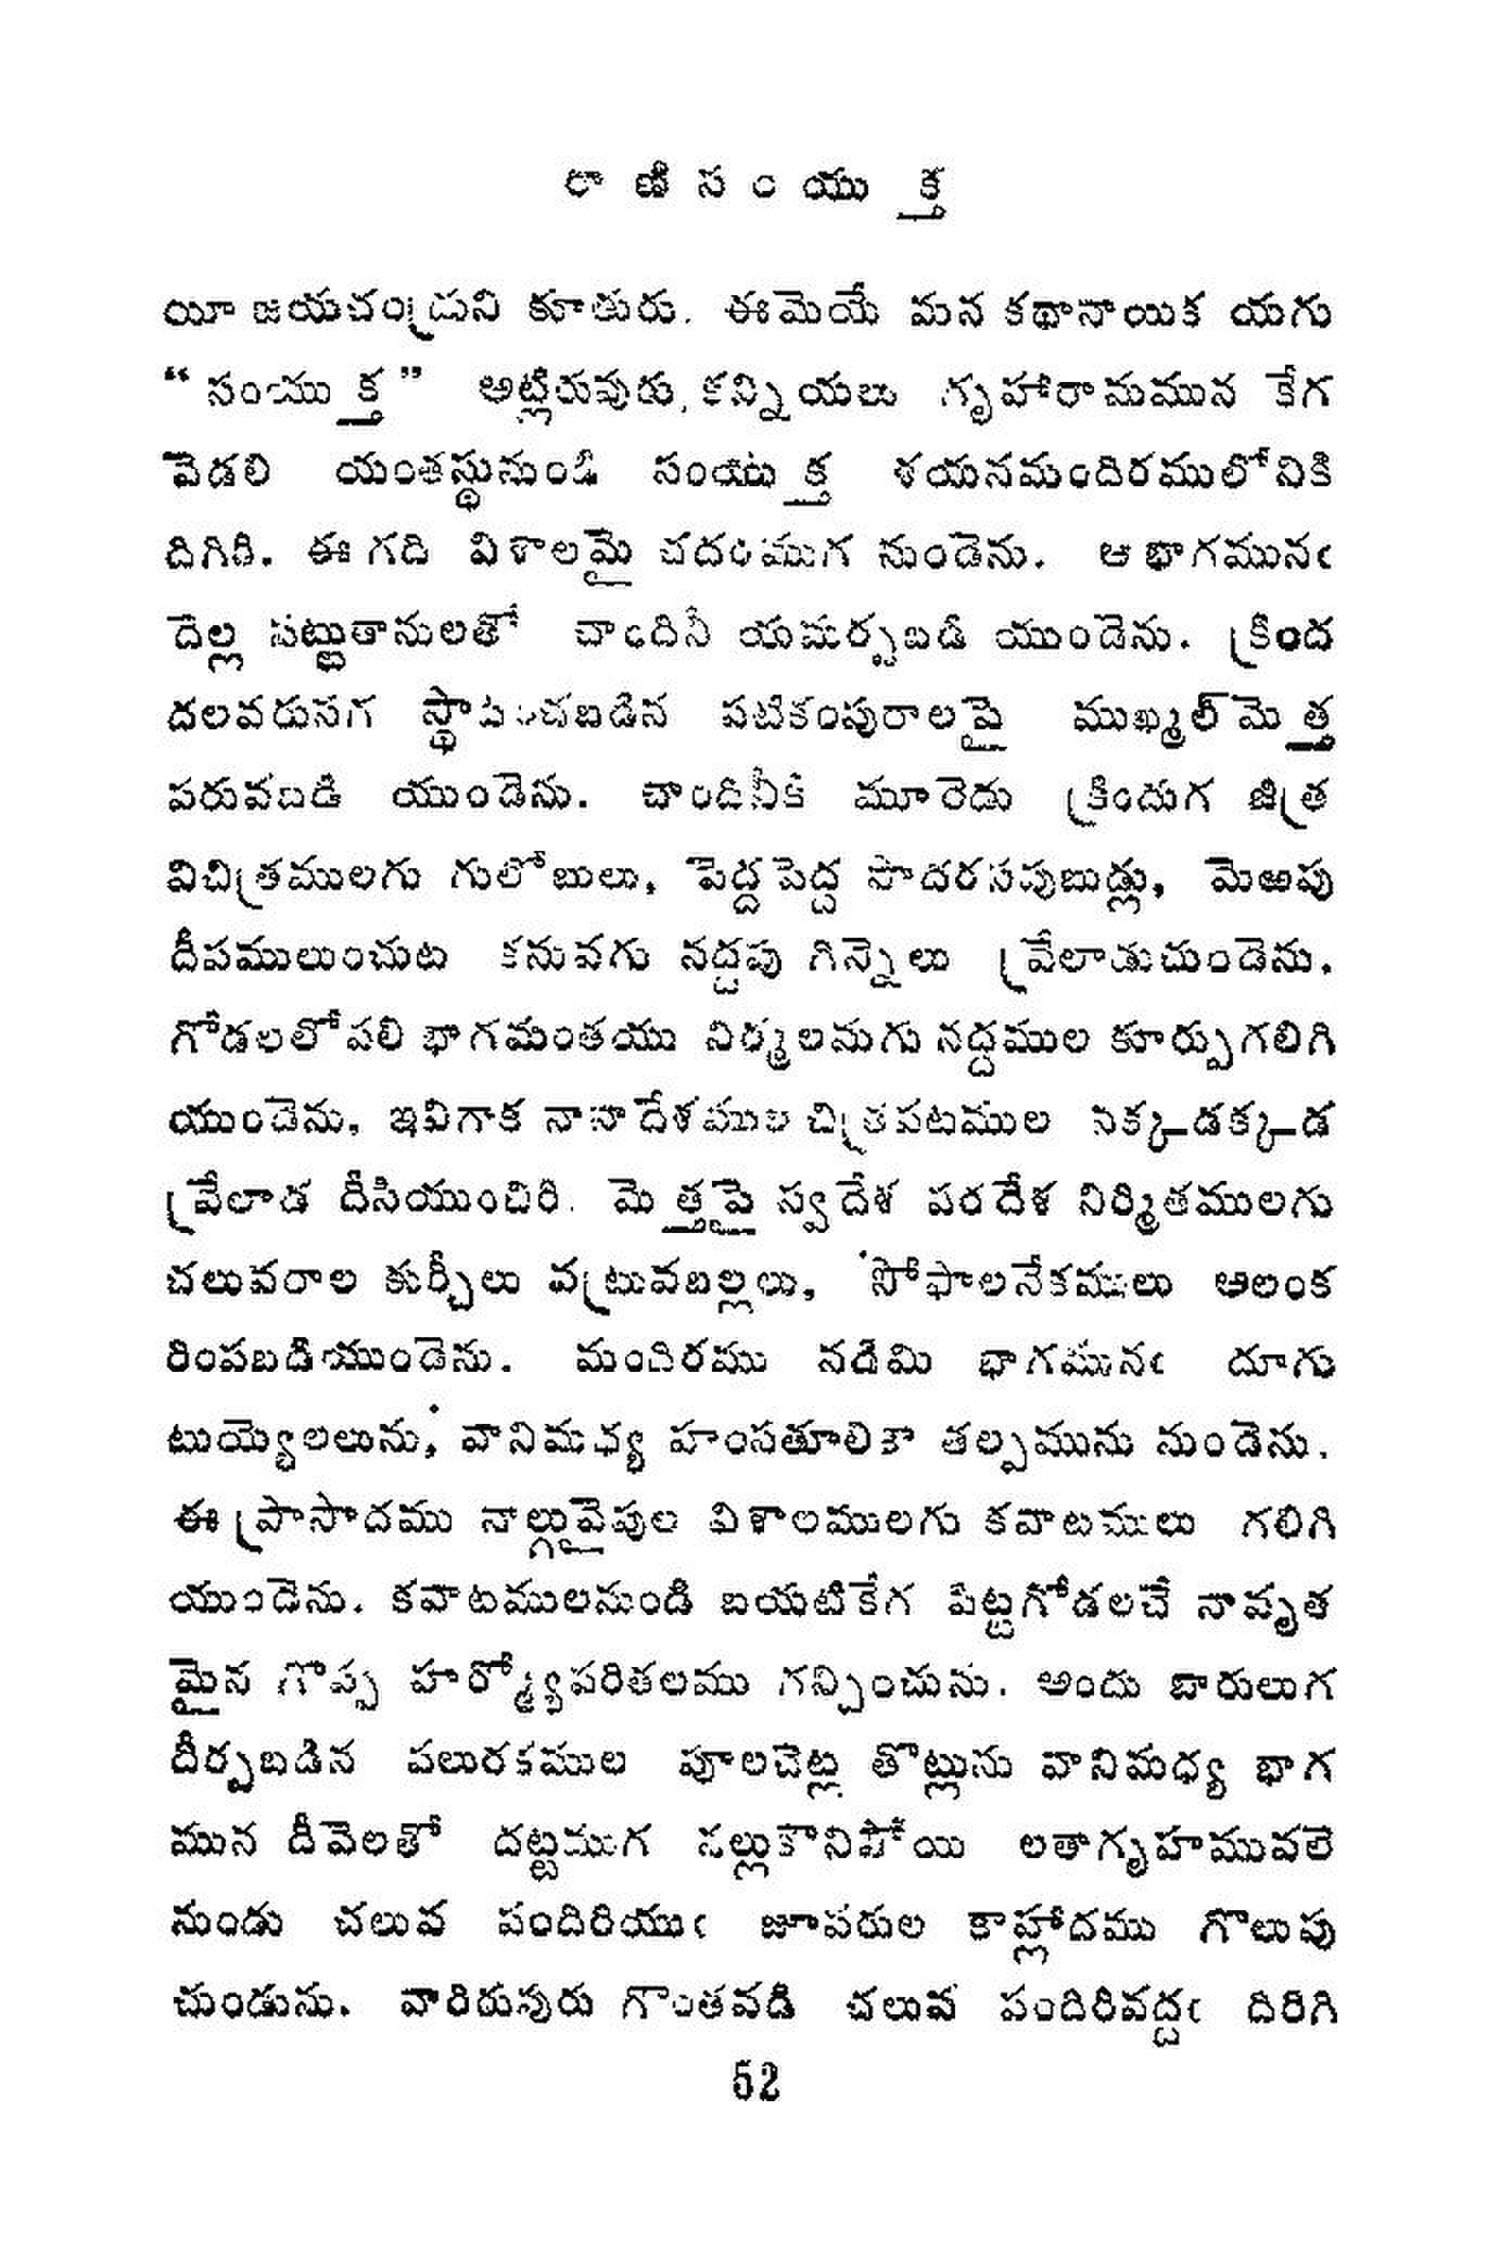యీ జయచంద్రుని కూతురు. ఈమెయే మన కథానాయిక యగు “సంయుక్త" అట్లిరువురు, కన్నియలు గృహారామమున కేగ వెడలి యంతస్థునుండి సంయుక్త శయనమందిరములోనికి దిగిరి. ఈ గది విశాలమై చదరముగ నుండెను. ఆ భాగమునఁ దెల్ల పట్టుతానులతో చాందినీ యమర్పబడి యుండెను. క్రింద దలవరుసగ స్థాపించబడిన పటికంపురాలపై ముఖ్మల్‌మెత్త పరుపబడి యుండెను. చాందినీకి మూరెడు క్రిందుగ జిత్ర విచిత్రములగు గులోబులు, పెద్ద పెద్ద పాదరసపుబుడ్లు, మెఱపు దీపములుంచుట కనువగు నద్దపు గిన్నెలు వ్రేలాడుచుండెను. గోడలలోపలి భాగమంతయు నిర్మలనుగు నద్దముల కూర్పు గలిగి యుండెను. ఇవిగాక నానాదేశముల చిత్రపటముల నక్కడక్కడ వ్రేలాడ దీసియుంచిరి. మెత్తపై స్వదేశ పరదేశ నిర్మితములగు చలువరాల కుర్చీలు వట్రువబల్లలు, సోఫాలనేకములు అలంకరింపబడియుండెను. మందిరము నడిమి భాగమునఁ దూగు టుయ్యెలలును, వానిమధ్య హంసతూలికా తల్పమును నుండెను . ఈ ప్రాసాదము నాల్గువైపుల విశాలములగు కవాటములు గలిగి యుండెను. కవాటములనుండి బయటికేగ పిట్టగోడలచే నావృతమైన గొప్ప హర్మ్యోపరితలము గన్పించును. అందు బారులుగ దీర్పబడిన పలురకముల పూలచెట్ల తొట్లును వానిమధ్య భాగమున దీవెలతో దట్టముగ నల్లుకొనిపోయి లతాగృహమువలె నుండు చలువ పందిరియుఁ జూపరుల కాహ్లాదము గొలుపు చుండును. వారిరువురు గొంతవడి చలువ పందిరి వద్దఁ దిరిగి